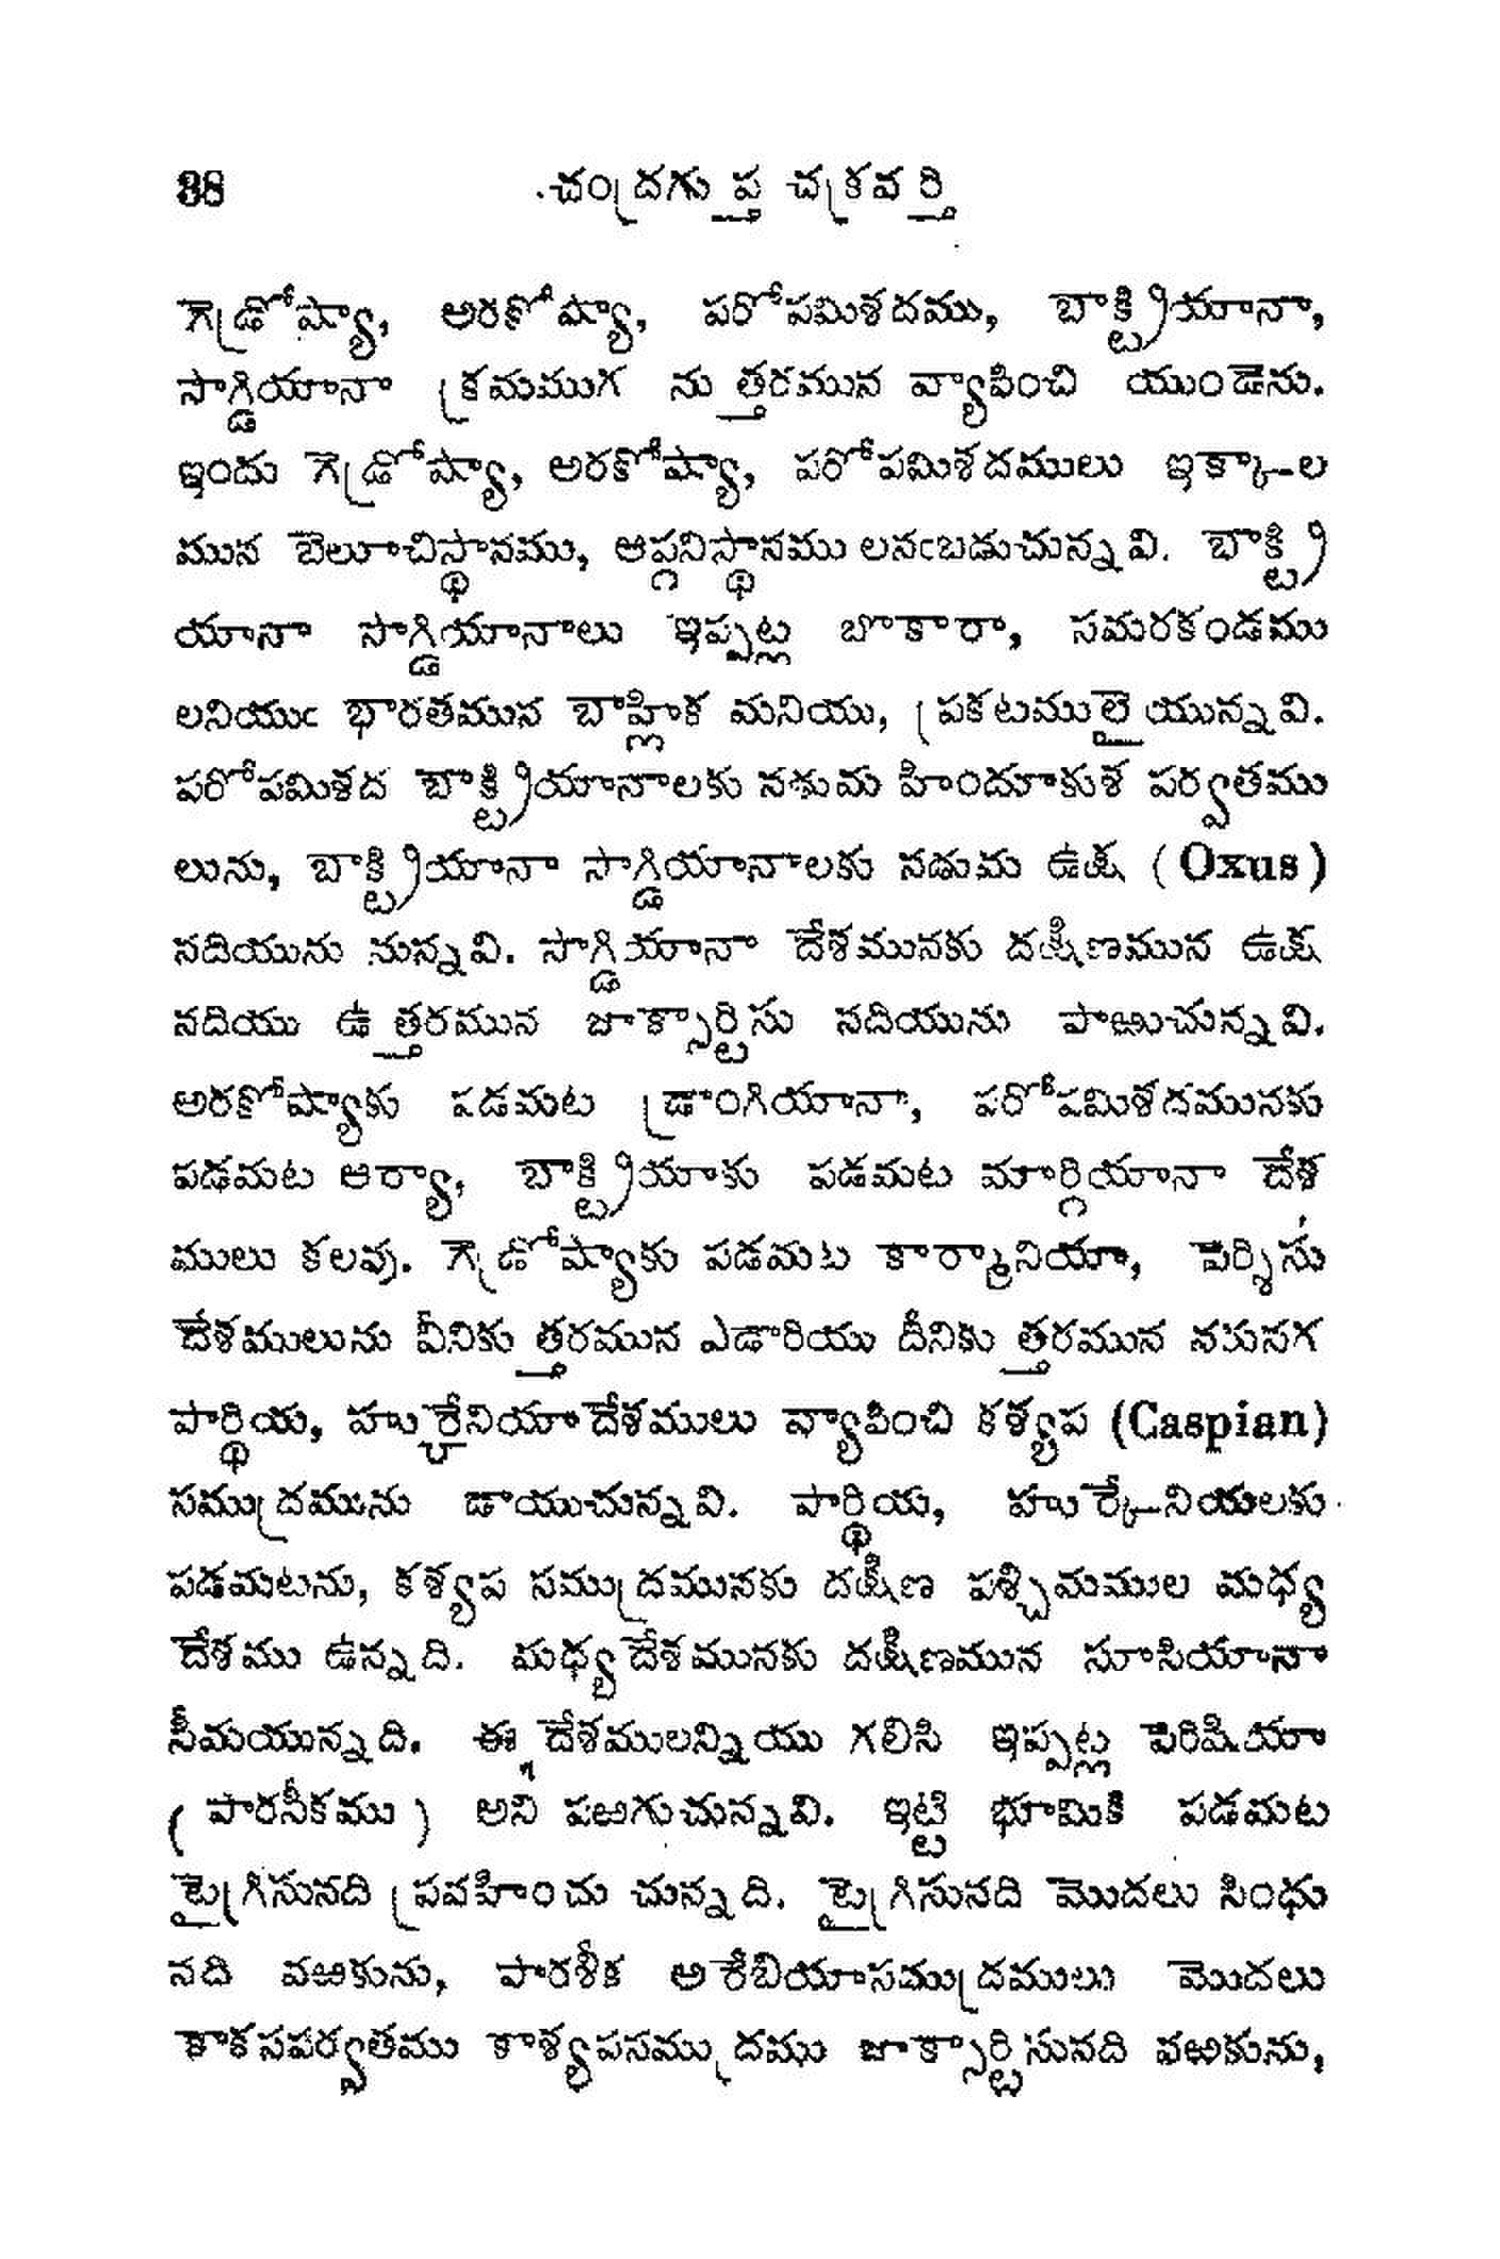గెడ్రోష్యా, అరకోష్యా, పరోపమిశదము, బాక్ట్రియానా, సాగ్డియానా క్రమముగ నుత్తరమున వ్యాపించి యుండెను. ఇందు గెడ్రోష్యా, అరకోష్యా, పరోపమిశదములు ఇక్కాలమున బెలూచిస్థానము, ఆప్గనిస్థానము లనఁబడుచున్నవి. బాక్ట్రియానా సాగ్డియానాలు ఇప్పట్ల బొకారా, సమరకండములనియుఁ భారతమున బాహ్లిక మనియు, ప్రకటములై యున్నవి. పరోపమిశద బాక్ట్రియానాలకు నడుమ హిందూకుశ పర్వతములును, బాక్ట్రియానా సాగ్డియానాలకు నడుమ ఉక్ష (Oxus) నదియును నున్నవి. సాగ్డియానా దేశమునకు దక్షిణమున ఉక్షనదియు ఉత్తరమున జాక్సార్టిసు నదియును పాఱుచున్నవి. అరకోష్యాకు పడమట డ్రాంగియానా, పరోపమిశదమునకు పడమట ఆర్యా, బాక్ట్రియాకు పడమట మార్గియానా దేశములు కలవు. గెడ్రోష్యాకు పడమట కార్మానియా, పెర్శిసు దేశములును వీనికుత్తరమున ఎడారియు దీనికుత్తరమున వరుసగ పార్థియ, హుర్కేనియాదేశములు వ్యాపించి కశ్యప (Caspian) సముద్రమును డాయుచున్నవి. పార్థియ, హుర్కేనియలకు పడమటను, కశ్యప సముద్రమునకు దక్షిణ పశ్చిమముల మధ్య దేశము ఉన్నది. మధ్యదేశమునకు దక్షిణమున సూసియానా సీమయున్నది. ఈ దేశములన్నియు గలిసి ఇప్పట్ల పెరిషియా (పారసీకము) అని పఱగుచున్నవి. ఇట్టి భూమికి పడమట టైగ్రిసునది ప్రవహించు చున్నది. టైగ్రిసునది మొదలు సింధునది వఱకును, పారశీక అరేబియాసముద్రములు మొదలు కాకసపర్యతము కాశ్యపసముద్రము జాక్సార్టిసునది వఱకును,